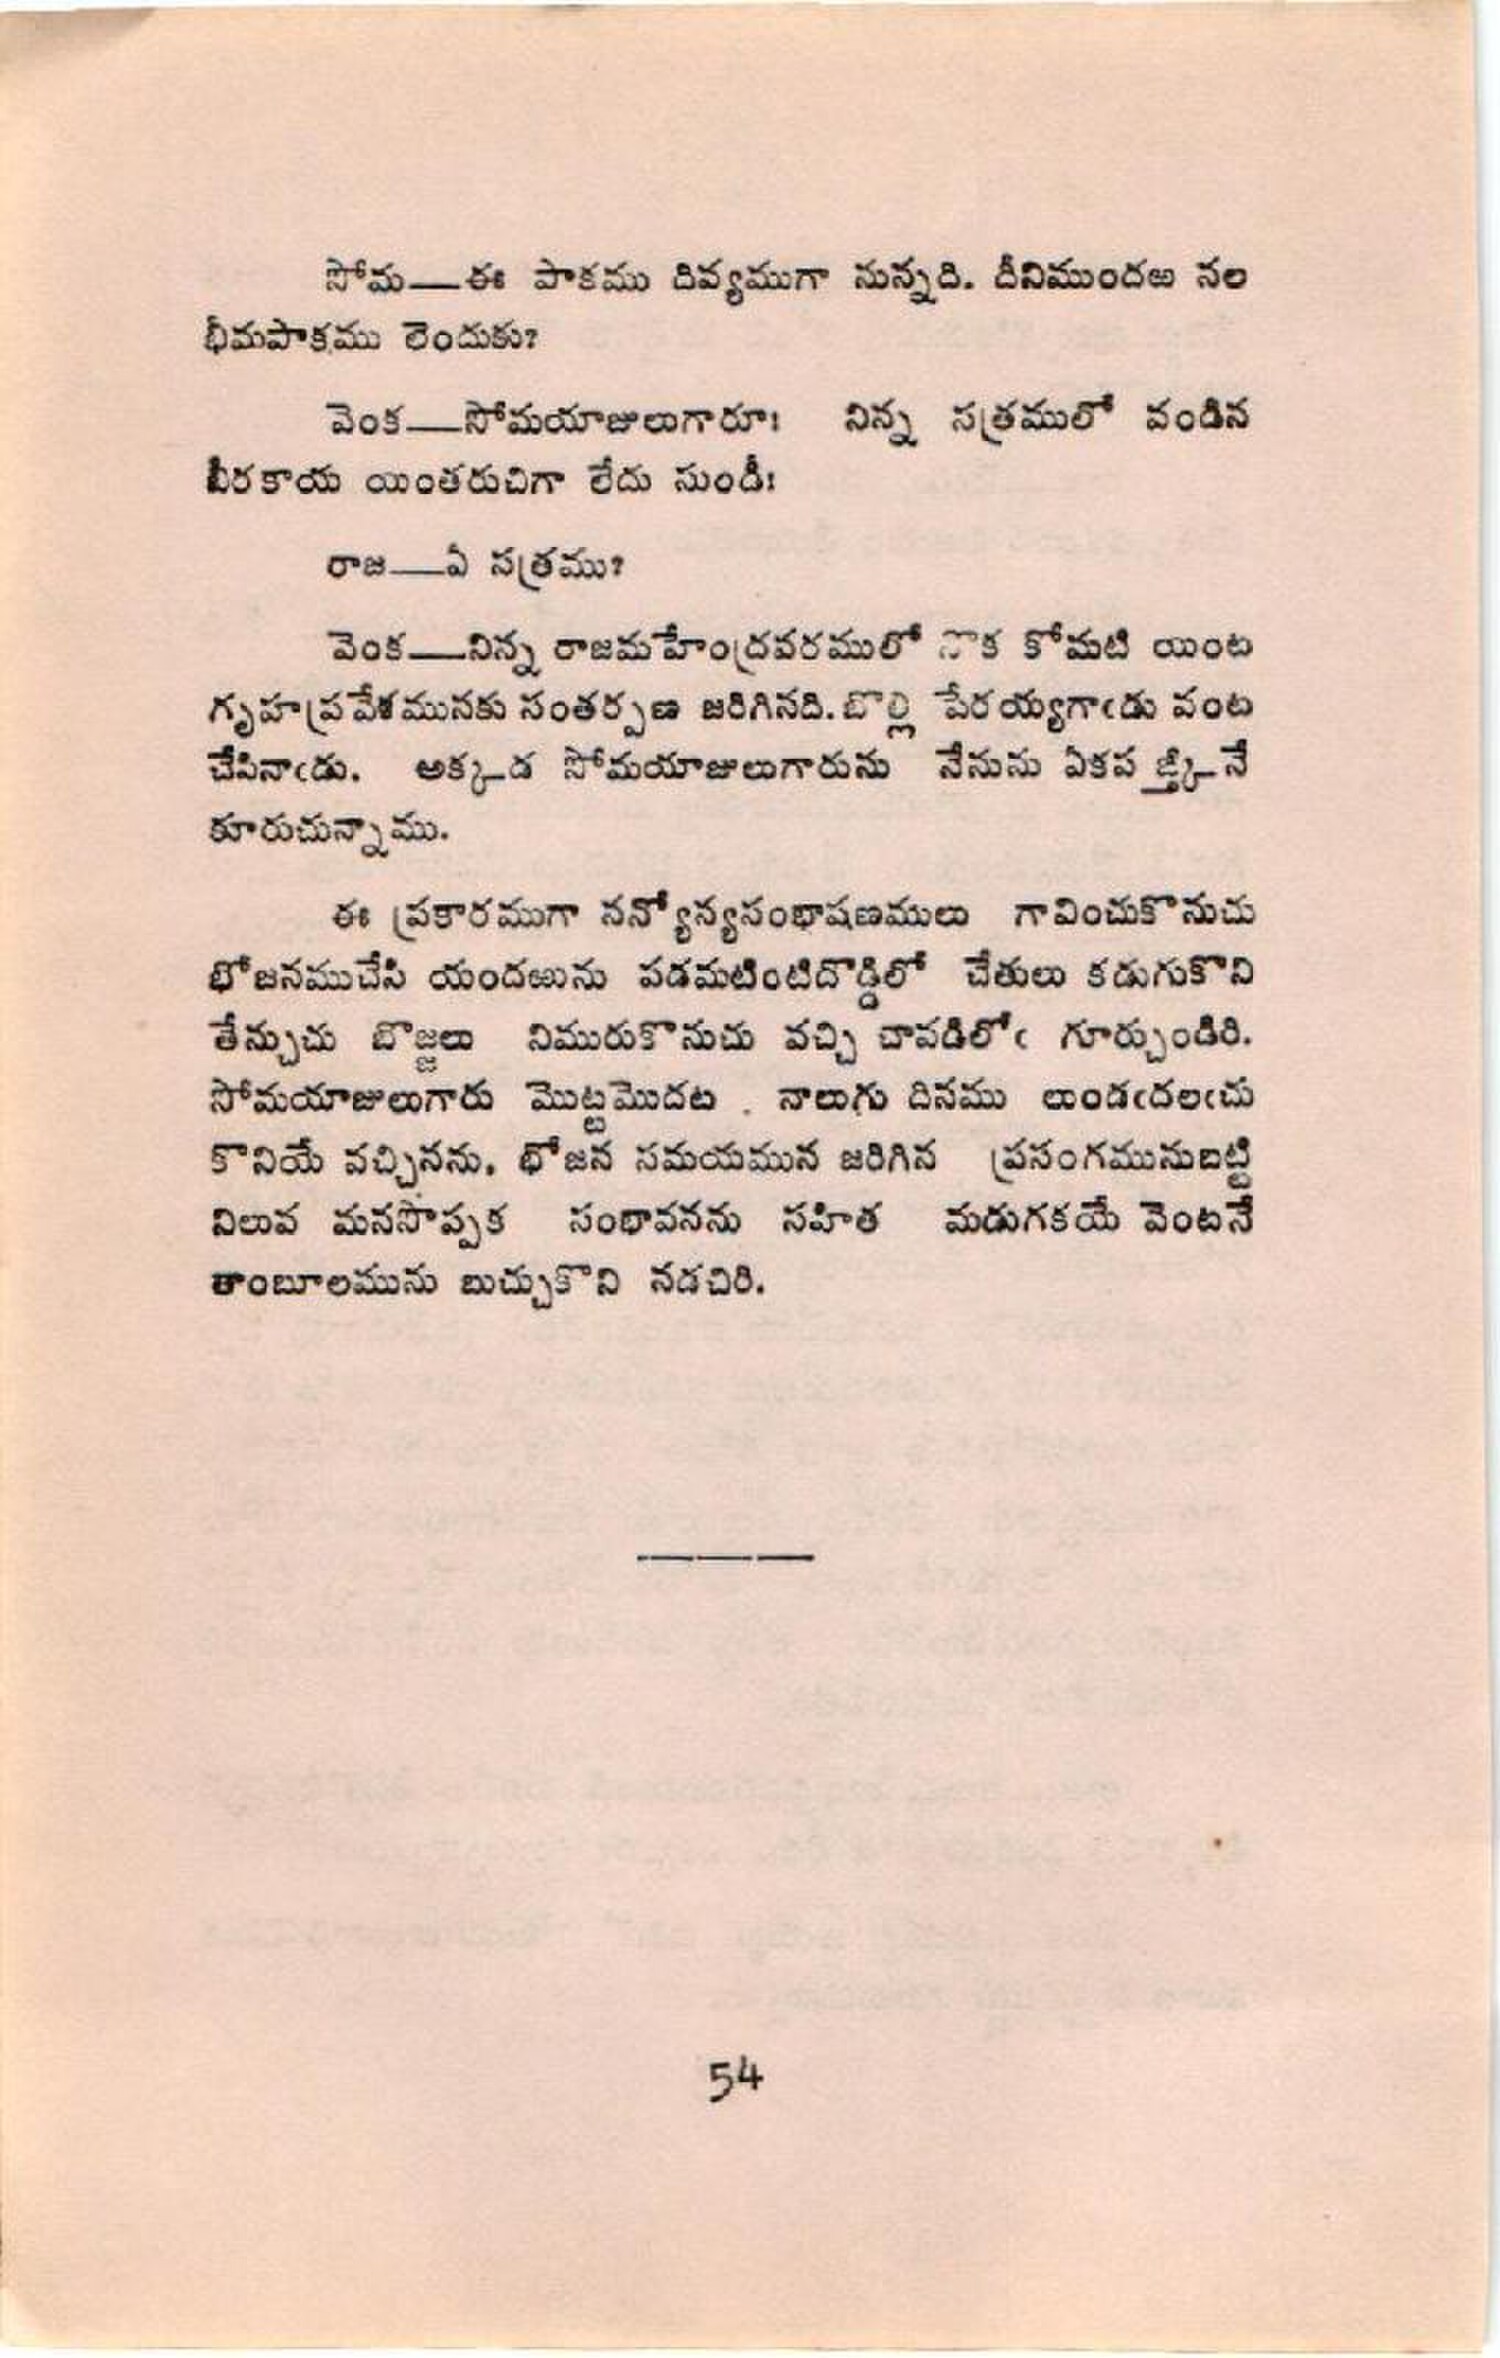సోమ__ఈ పాకము దివ్యముగా నున్నది. దీనిముందఱ నలభీమపాకములెందుకు ?

వెంక__సోమయాజులుగారూ! నిన్న సత్రములో వండిన బీరకాయ యింతరుచిగా లేదు సుండీ!

రాజ__ఏ సత్రము?

వెంక__నిన్న రాజమహేంద్రవరములో నొక కోమటి యింట గృహప్రవేశమునకు సంతర్పణ జరిగినది. బొల్లి పేరయ్యగాఁడు వంట చేసినాఁడు. అక్కడ సోమయాజులుగారును నేనును ఏకపఙ్క్తి నే కూరుచున్నాము.

ఈ ప్రకారముగా నన్యోన్యసంభాషణములు గావించుకొనుచు భోజనముచేసి యందఱును పడమటింటిదొడ్డిలో చేతులు కడుగుకొని తేన్చుచు బొజ్జలు నిమురుకొనుచు వచ్చి చావడిలోఁ గూర్చుండిరి. సోమయాజులుగారు మొట్టమొదట నాలుగు దినము లుండఁదలఁచు కొనియే వచ్చినను, భోజన సమయమున జరిగిన ప్రసంగమును బట్టి నిలువ మనసొప్పక సంభావనను సహిత మడుగకయే వెంటనే తాంబూలమును బుచ్చుకొని నడచిరి.